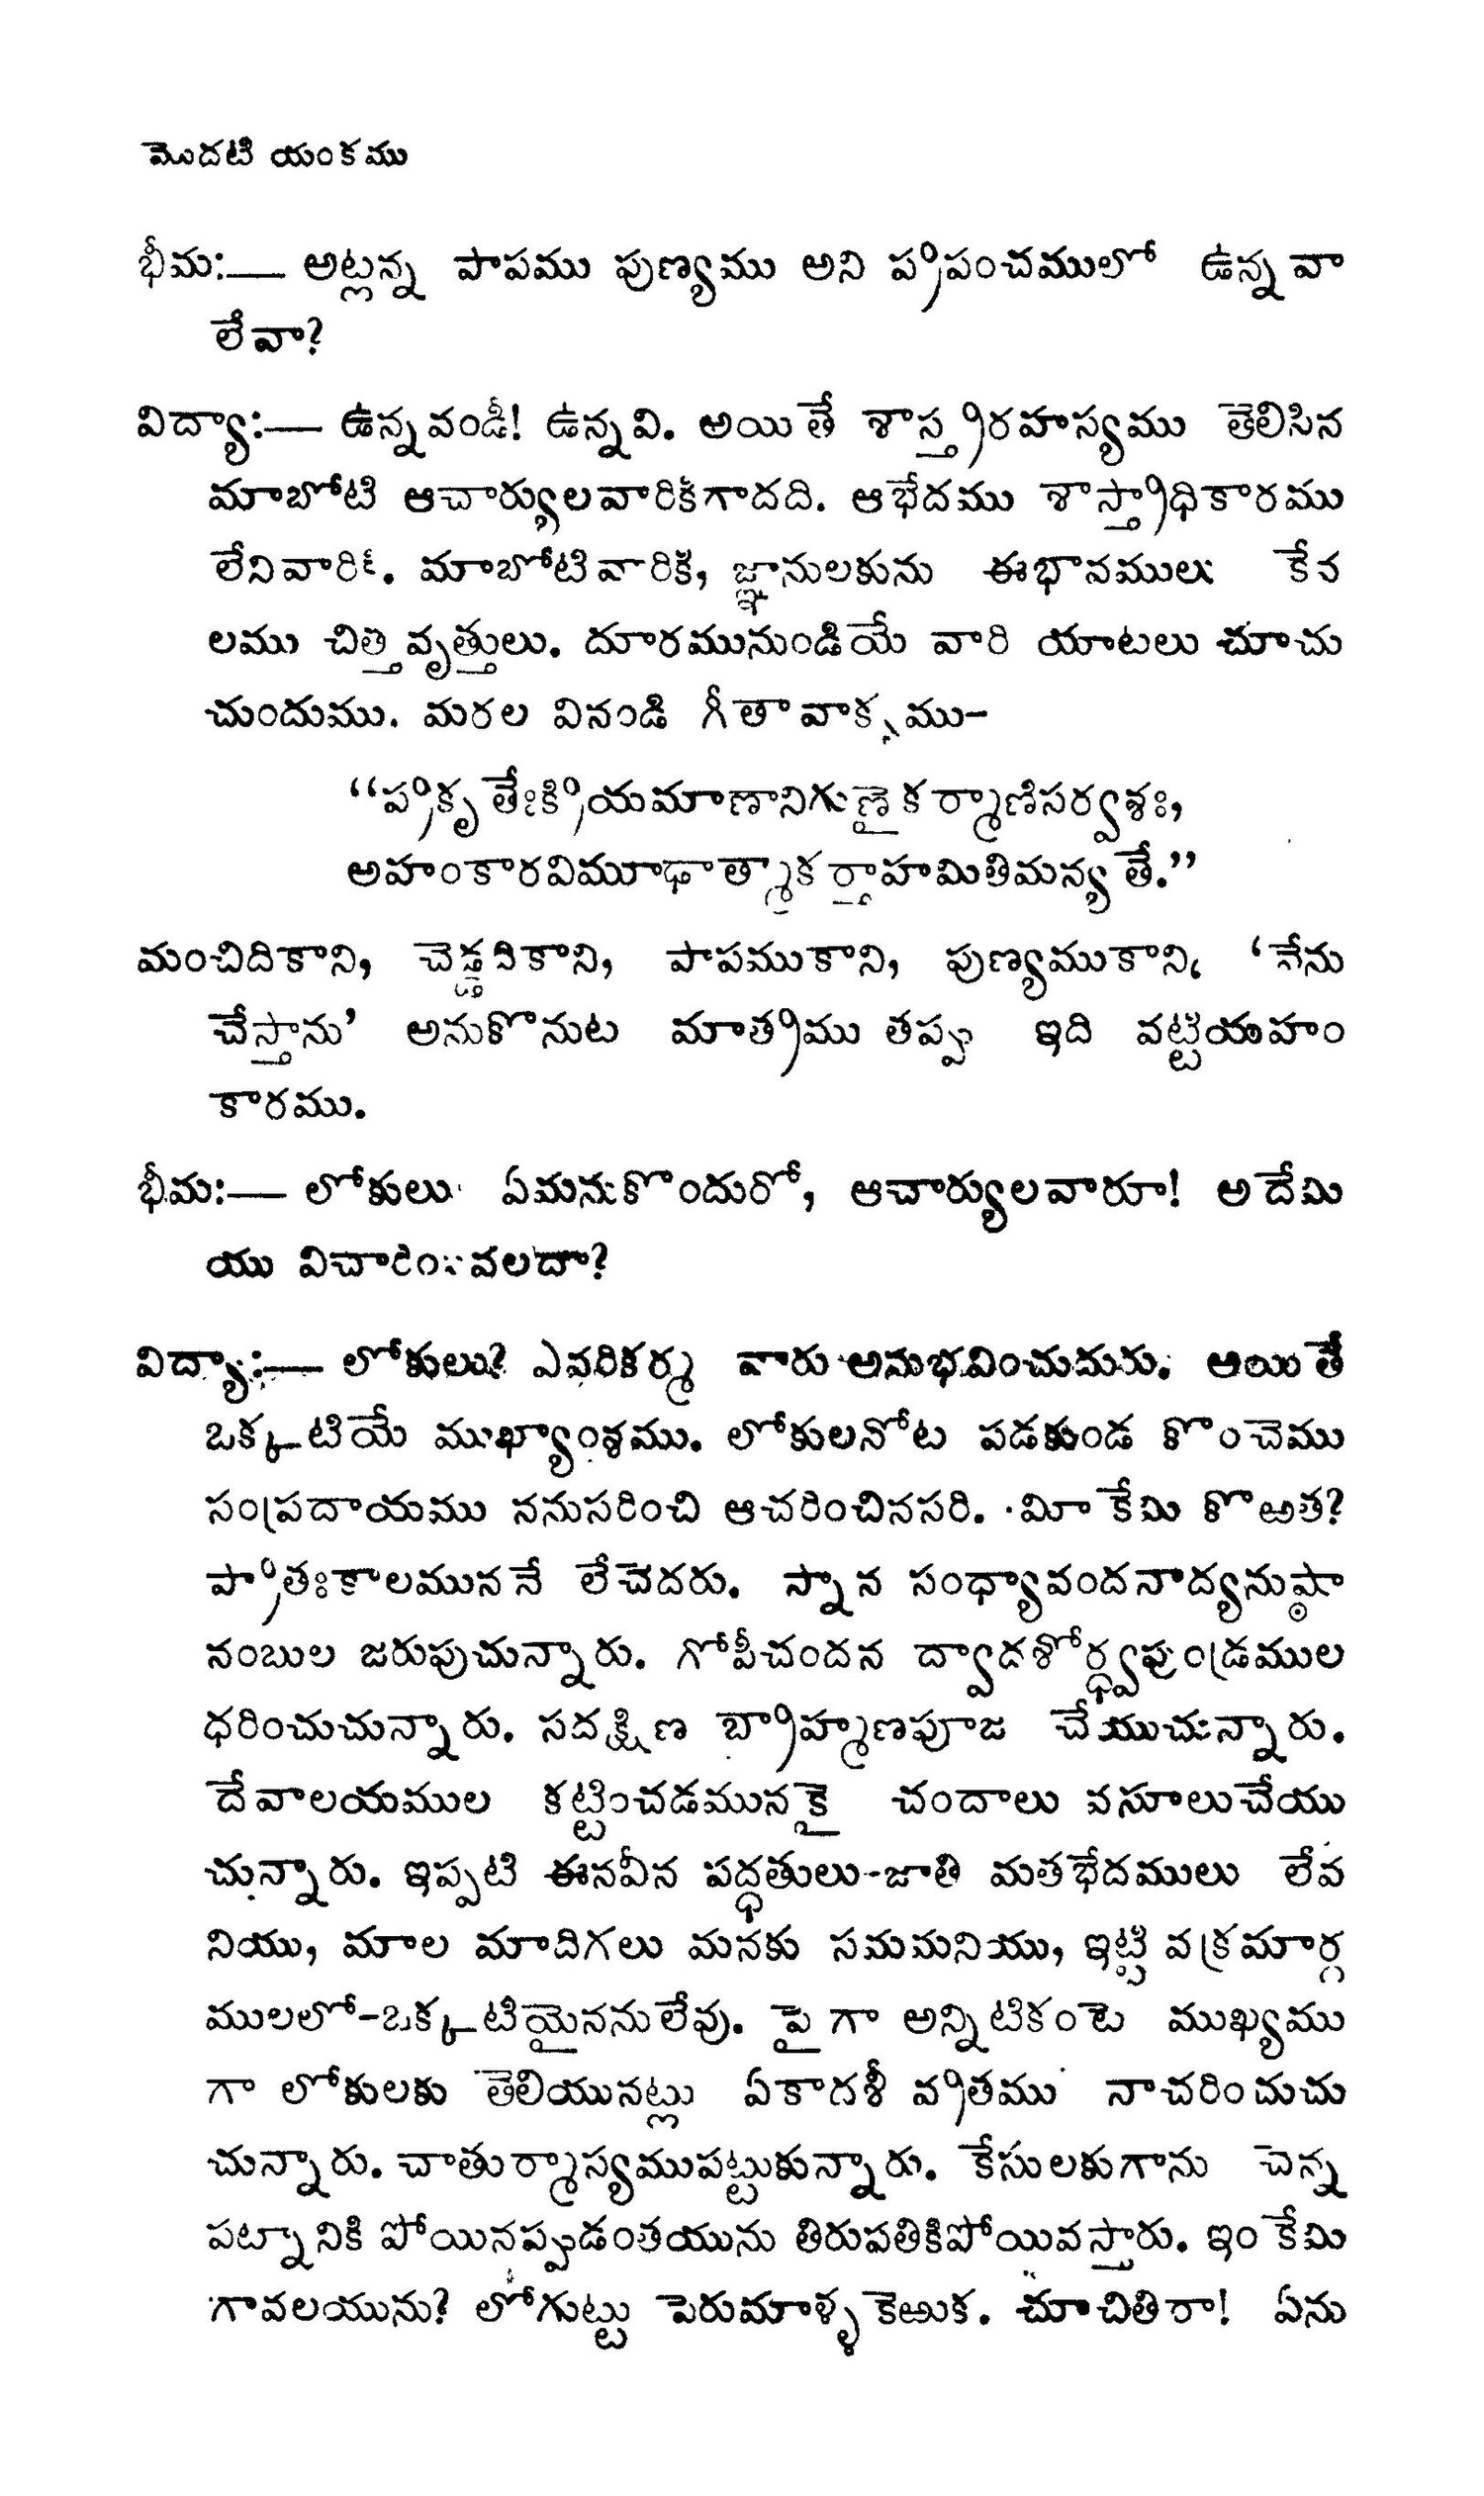భీమ:--అట్లున్న పాపము పుణ్యము అని ప్రపంచములో ఉన్నవా లేవా?

విద్యా:--ఉన్నవండీ! ఉన్నవి. అయితే శాస్త్రరహస్యము తెలిసిన మాబోటి అచార్యులవారికిగాదది ఆభేదము శాస్త్రాధికారము లేనివారికి, మాబోటివారికి, జ్నానులకును ఈభాగములు కేవలము చిత్తవృత్తులు, దూరమునుండియే వారి యాటలు చూచుచుందుము. మరల వినండి గీతావాక్యము.

 "ప్రకృతే:క్రియమాణానిగుణైకర్మాణిసర్వశ:, 
 అహంకారారవిమూఢాత్మాకర్తాహమితిమన్యతే." 

మంచిదికాని, చెడ్డదికాని, పాపముకాని, పుణ్యముకాని, 'నేను చేస్తాను ' అనుకొనుట మాత్రము తప్పు ఇది వట్టియహంకారము.

భీమ:--లొకులు ఎమునుకొందురో, ఆచార్యుయులవారూ! అదేమియు8 విచారింపవలదా?

విద్యా:--లోకులు? ఎవరికర్మ వారు అనుభవించుదురు. అయితే ఒక్కటియే ముఖ్యాంశము లొకులనొట పడకుండ కొంచెము సంప్రదాయము ననుసరించి ఆచరించునది. మీకేమి కొఱత? ప్రాత:కాలమునకే లేచెదరు. స్నాన సంధ్యావందనాద్యనుష్ఠానంబుల జరుపుచున్నారు. గోపీచందన ద్వాదశోర్ద్వపుండ్రముల ధరించుచున్నారు. సదక్షిణ బ్రాహ్మణపూజ చేయుచున్నారు. దేవాలయముల కట్టింఛడమునకై చందాలు వసూలుచేయుచున్నారు. ఇప్పటి ఈనవీన పద్దతులు జాతి మతభేదములు లేవనియు, మాల మాదిగలు మనకు సమమనియు ఇట్టి వక్రమార్గములలో ఒక్కటియైననులేవు. పైగా అన్నిటికంటె ముఖ్యముగా లొకులకు తెలియునట్లు, ఏకాదశీ వ్రతము నాచరించు చుయున్నారు. చాతుర్మాస్యము పట్టుకున్నారు. కేసులకుగాను చెన్నపట్నానికి పోయినప్పుడంతయును తిరుపతికి పోయివస్తారు. ఇంకేమి గావలయును? లోగుట్టు పెరుమాళ్ళకెఱుక, చూచితిరా! ఏను